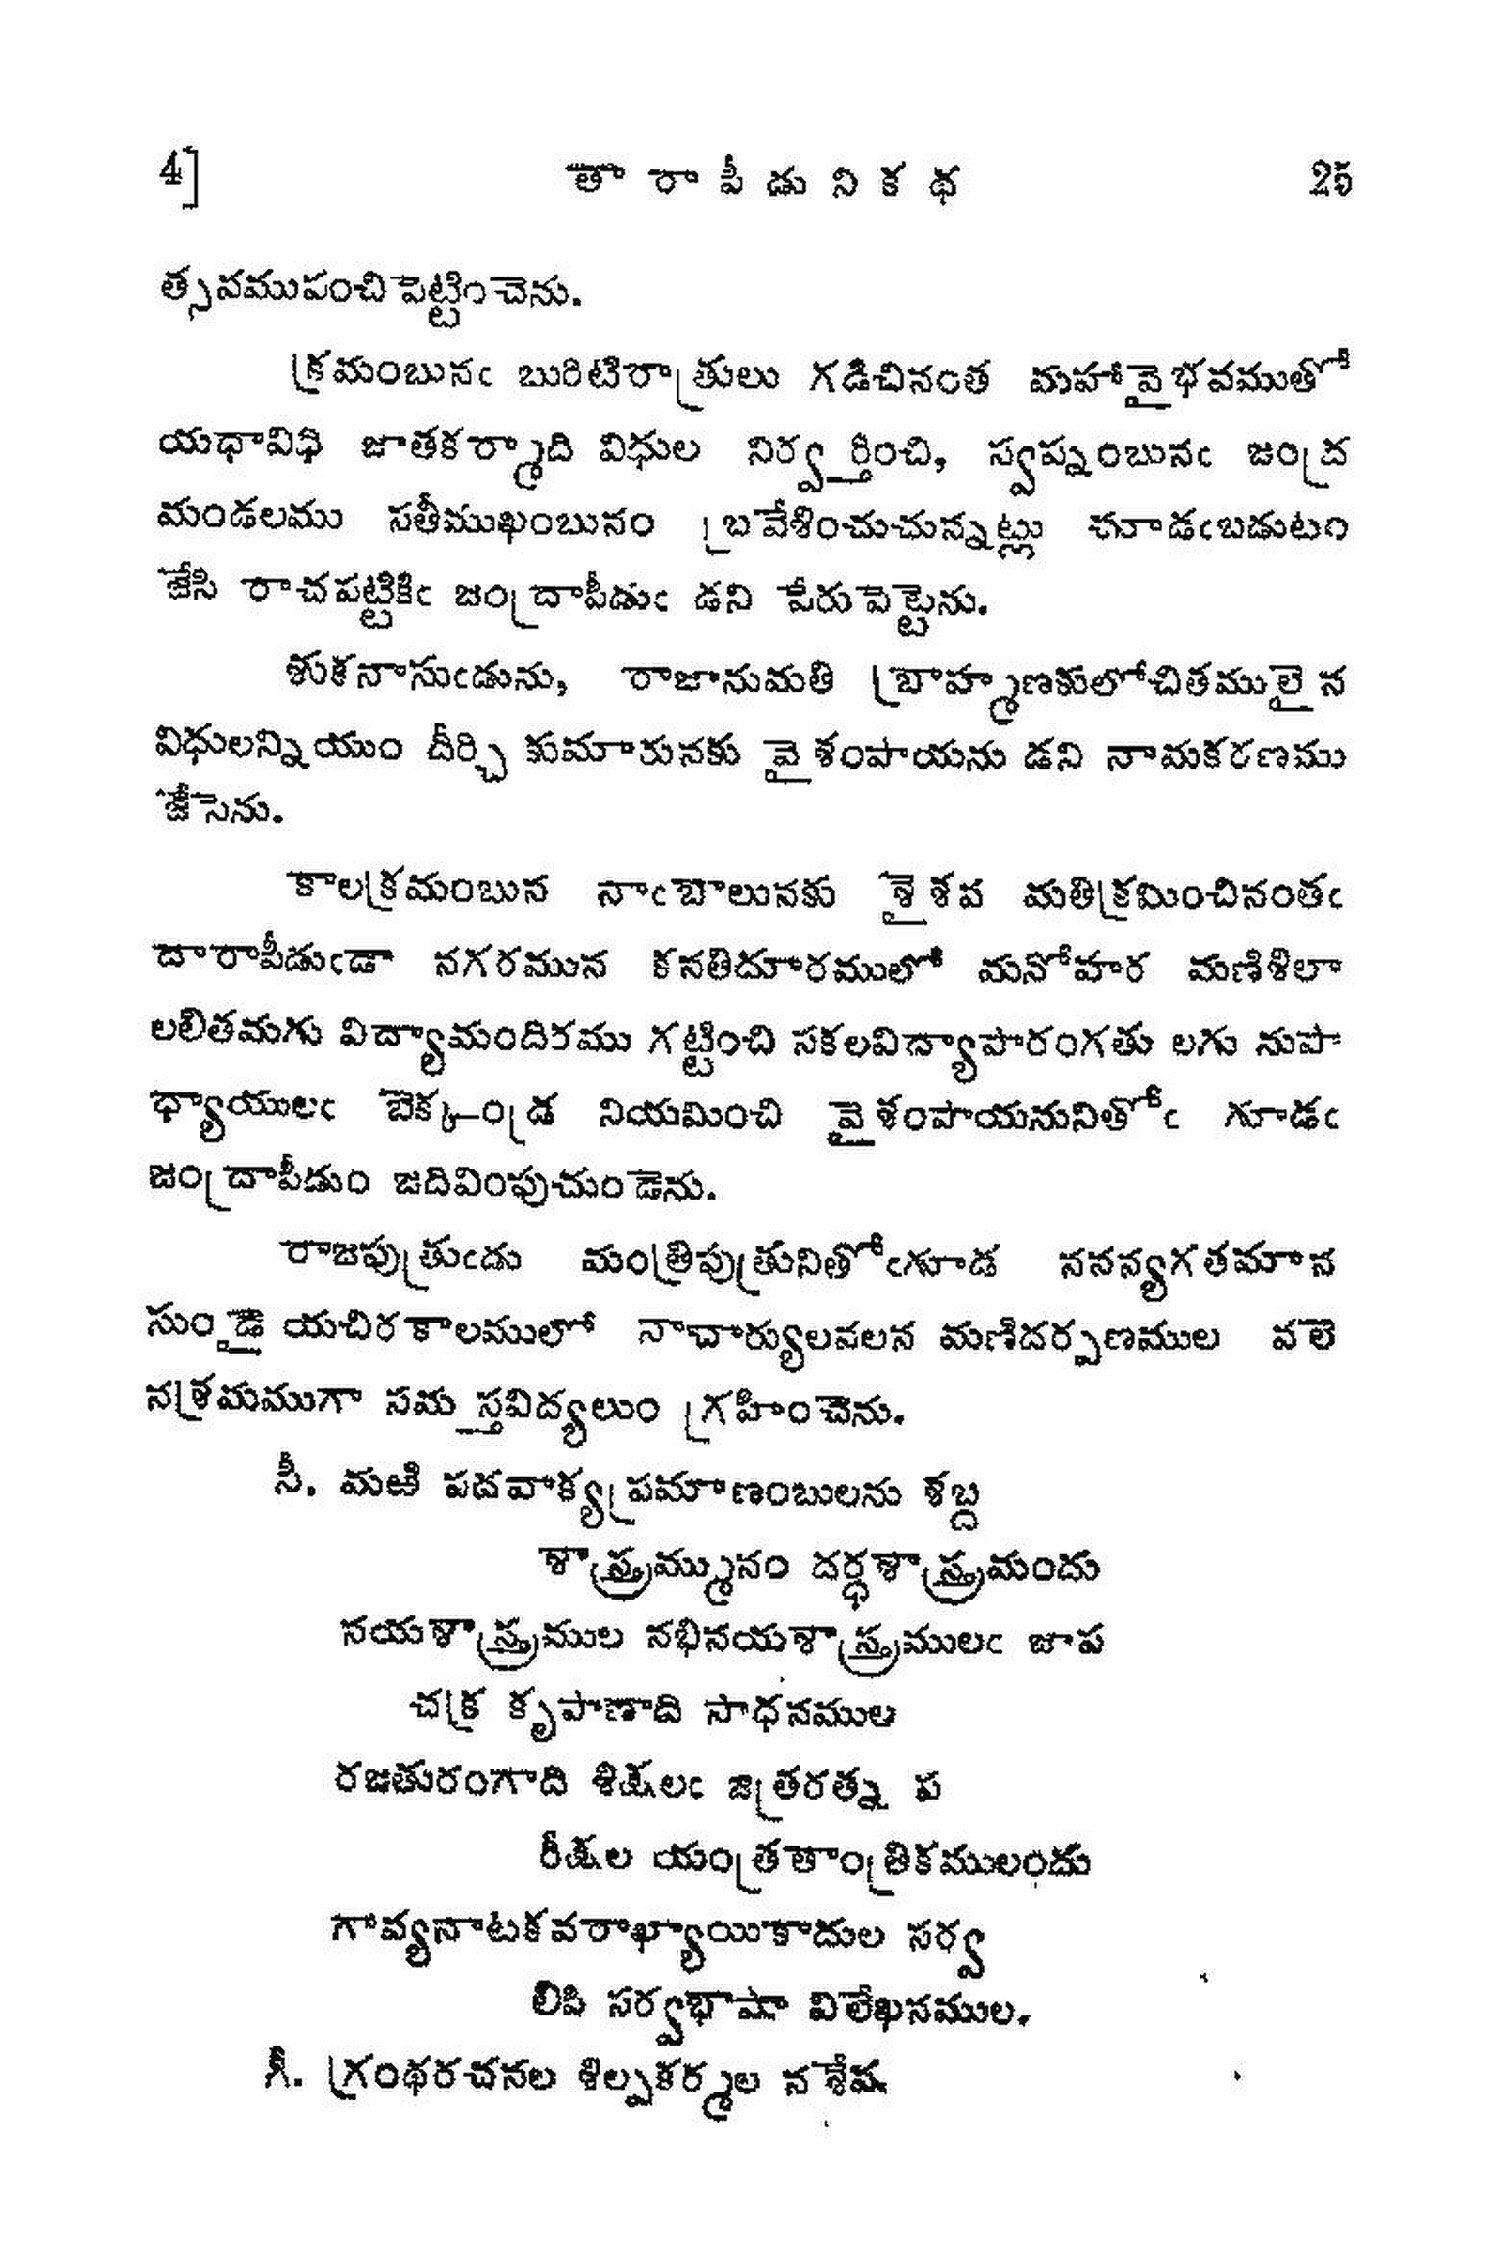త్సవముపంచి పెట్టించెను.

క్రమంబునఁ బురుటిరాత్రులు గడిచినంత మహావైభవముతో యధావిధి జాతకర్మాది విధుల నిర్వర్తించి, స్వప్నంబునఁ జంద్ర మండలము సతీముఖంబునం బ్రవేశించుచున్నట్లు చూడఁబడుటం జేసి రాచపట్టికిఁ జంద్రాపీడుఁ డని పేరుపెట్టెను.

శుకనాసుఁడును, రాజానుమతి బ్రాహ్మణకులోచితములైన విధులన్నియుం దీర్చి కుమారునకు వైశంపాయను డని నామకరణము జేసెను.

కాలక్రమంబున నాఁబాలునకు శైశవ మతిక్రమించినంతఁ దారాపీడుఁడా నగరమున కనతిదూరములో మనోహర మణిశిలా లలితమగు విద్యామందిరము గట్టించి సకలవిద్యాపారంగతు లగు నుపాధ్యాయులఁ బెక్కండ్ర నియమించి వైశంపాయనునితోఁ గూడఁ జంద్రాపీడుం జదివింపుచుండెను.

రాజపుత్రుఁడు మంత్రిపుత్రునితోఁగూడ ననన్యగతమానసుండై యచిరకాలములో నాచార్యులవలన మణిదర్పణముల వలె నశ్రమముగా సమస్తవిద్యలుం గ్రహించెను.

సీ. మఱి పదవాక్యప్రమాణంబులను శబ్ద
 శాస్త్రమ్మున దర్ధశాస్త్రమందు
 నయశాస్త్రముల నభినయశాస్త్రములఁ జాప
 చక్ర కృపాణాది సాధనముల
 రజతురంగాది శిక్షలఁ జిత్రరత్న ప
 రీక్షల యంత్రతాంత్రికములందు
 గావ్యనాటకవరాఖ్యాయికాదుల సర్వ
 లిపి సర్వభాషా విలేఖనముల.

గీ. గ్రంథరచనల శిల్పకర్మల నశేష